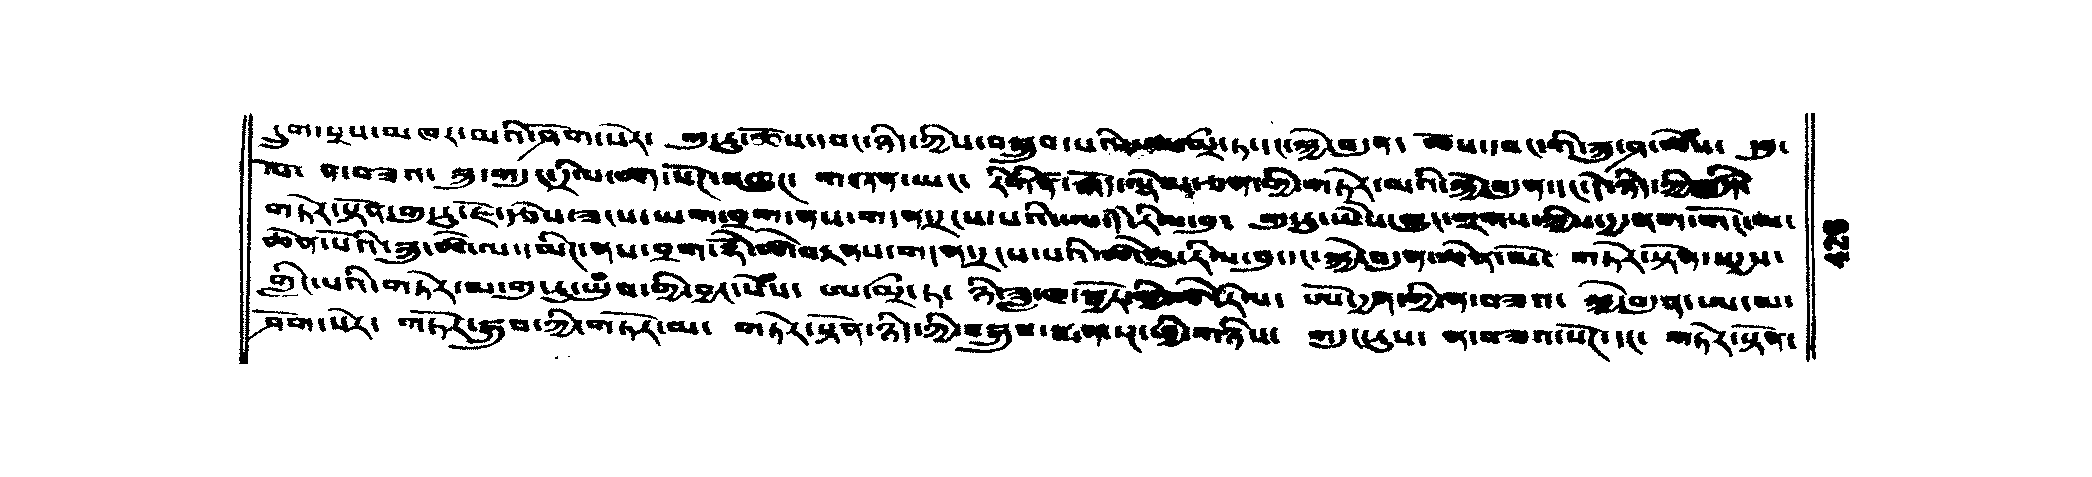དྲུག་སྲས་མཁར་མའི་ཤོག་སེར། གུ་རུ་ཆོས་དབང་ཉིད་ཀྱིས་བསྒྲུབས་པའི་ཨ་མྲྀ་ཏ་དང་སྐྱེ་བདུན། ཆོས་དབང་གི་སྐུ་ཤ་ཚེམས། དབུ་
ལོ། ན་བཟའ། སྐུ་གདུང་དྲིལ་ཆས་སོགས་བཞུགས། གཞན་ཡང་རིག་འཛིན་རྒོད་ལྡེམ་ཅན་གྱི་གཏེར་མའི་སྐྱེ་བདུན་དང་དེ་ཉིད་ཀྱི་བདུད་རྩི། 
གཏེར་སྟོན་གུ་རུ་ཇོ་ཚེས་ཟངས་ཡག་བྲག་ནས་གདན་དྲངས་པའི་ཨ་དམ་རིལ་བུ། གུ་རུ་ཡེ་ཤེས་ཁྱུང་གྲགས་ཀྱིས་རྒྱ་ནག་གོང་མ་
ཆེན་པོའི་སྐུ་ཚེ་ལ་དམིགས་ནས་བྲག་རྡོ་རྗེ་ཚེ་བརྟན་ནས་གདན་དྲངས་པའི་ཚེ་ཆུ་རིལ་བུ་དང་སྐྱེ་བདུན་ཆེན་མོ།གཏེར་སྟོན་སངས་རྒྱས་
གླིང་པའི་གཏེར་མ་གུ་རུ་ཡབ་ཡུམ་གྱི་བྱང་སེམས། ཨ་མྲྀ་ཏ། ཉི་ཟླ་ཁ་སྦྱོར་གྱི་ཚེ་རིལ། ཨོ་རྒྱན་གྱི་ན་བཟའ། སྐྱེ་བདུན་ཨ་མ། 
ཤོག་སེར། གཏོར་སྒྲུབ་ཀྱི་གཏོར་མ། གཏེར་སྟོན་ཉིད་ཀྱིས་བསྒྲུབས་སྨན་སྔ་ཕྱི་གཉིས། གདུང་རུས། ན་བཟའ་སོགས་དང་། གཏེར་སྟོན་